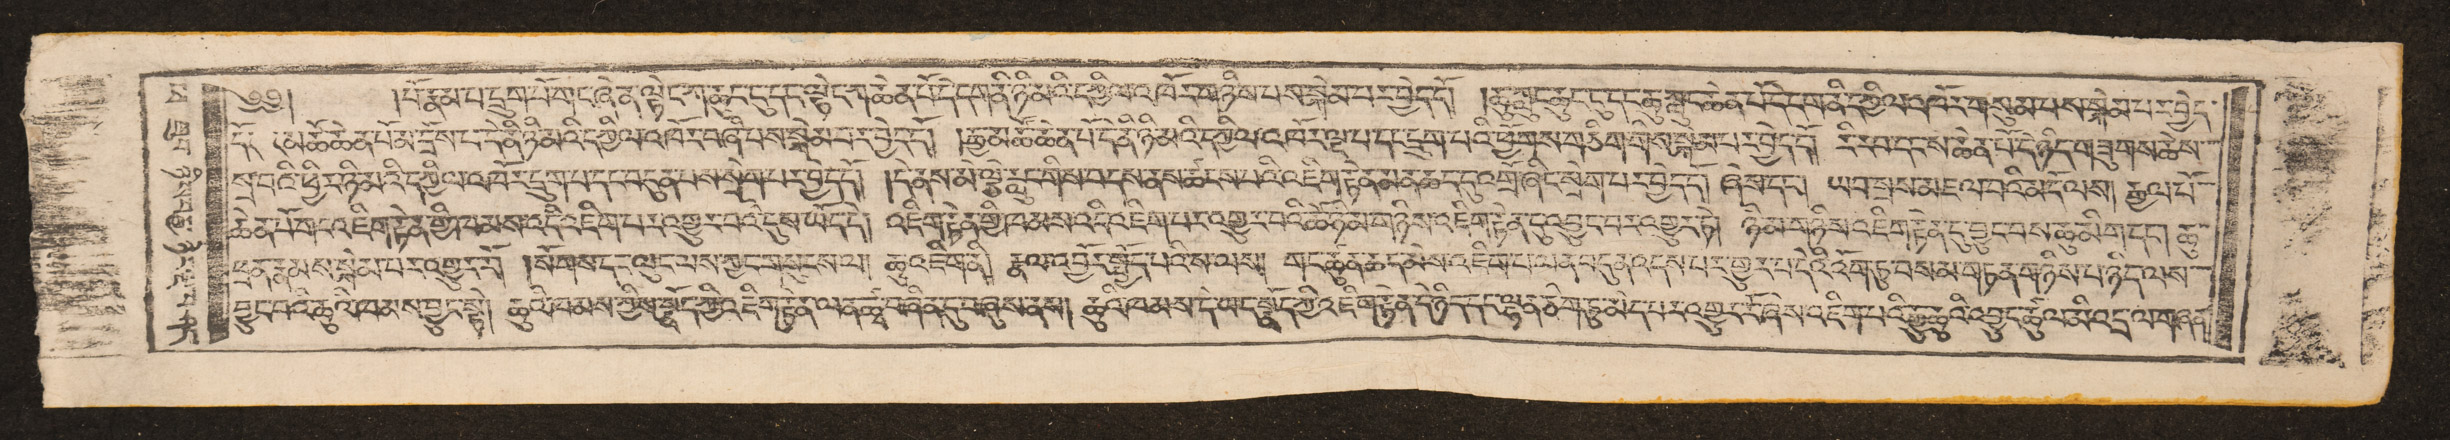༄༅། །པོ་རྣམ་པ་དྲུག་པོ་གང་ཞེན་ལྟེང་ཀ་ཆུང་དུ་དང་ལྟེང་ཀ་ཆེན་པོ་དེ་དག་ནི་ཉི་མའི་དཀྱིལ་འཁོར་གཉིས་པས་སྐེམ་པར་བྱེད་དོ། །ཆུ་ཀླུང་ཆུང་དུ་དང་ཆུ་ཀླུང་ཆེན་པོ་དེ་དག་ནི་དཀྱིལ་འཁོར་གསུམ་པས་སྐེམ་པར་བྱེད་
དོ། །མཆོ་ཆེན་པོ་མ་དྲོས་པ་དེ་ནི་ཉི་མའི་དཀྱིལ་འཁོར་བཞི་པས་སྐེམ་པར་བྱེད་དོ། །རྒྱ་མཚོ་ཆེན་པོ་དེ་ནི་ཉི་མའི་དཀྱིལ་འཁོར་ལྔ་པ་དང་དྲུག་པའི་ཕྱོགས་གཅིག་གིས་སྐེམ་པར་བྱེད་དོ། རི་རབ་དང་ས་ཆེན་པོ་དེ་ཉིད་གཟུགས་ཆེས་
སྲ་བའི་ཕྱིར་ཉི་མའི་དཀྱིལ་འཁོར་དྲུག་པ་དང་བདུན་པས་སྲེག་པར་བྱེད་དོ། །དེ་ནས་མེ་ལྕེ་རླུང་གིས་བདས་ནས་ཚངས་པའི་འཇིག་རྟེན་མན་ཆད་དུ་འགྲོ་ཞིང་སྲེག་པར་བྱེད་དོ། ཞེས་དང་། ཡབ་སྲས་མཇལ་བའི་མདོ་ལས། རྒྱལ་པོ་
ཆེན་པོ་གང་འཇིག་རྟེན་གྱི་ཁམས་འདི་འཇིག་པར་འགྱུར་བའི་དུས་ཡོད་དེ། འཇིག་རྟེན་གྱི་ཁམས་འདི་འཇིག་པར་འགྱུར་བའི་ཚེ་ཉི་མ་གཉིས་འཇིག་རྟེན་དུ་འབྱུང་བར་འགྱུར་ཏེ། ཉི་མ་གཉིས་འཇིག་རྟེན་དུ་བྱུང་བས་ཆུ་མིག་དང་། ཆུ་
ཕྲན་རྣམས་སྐེམ་པར་འགྱུར་རོ། །སོགས་དང་ལུང་ལས་ཀྱང་གསུངས་ལ། ཆུ་འཇིག་ནི། རྣལ་འབྱོར་སྤྱོད་པའི་ས་ལས། གང་ཚུན་ཆད་མེས་འཇིག་པ་ལན་བདུན་འདས་པར་གྱུར་བདེའི་འོག་ཏུ་བསམ་གཏན་གཉིས་པ་ཉིད་ལས་
བྱུང་བའི་ཆུའི་ཁམས་བྱུང་སྟེ། ཆུའི་ཁམས་ཀྱིས་སྣོད་ཀྱི་འཇིག་རྟེན་ལན་ཚྭ་བཞིན་དུ་བཞུས་ནས། ཆུའི་ཁམས་དེ་ཡང་སྣོད་ཀྱི་འཇིག་རྟེན་དེ་ཉིད་དང་ལྷན་ཅིག་ཏུ་མེད་པར་འགྱུར་རོ་ཞེས་འཇིག་པའི་རྒྱུ་ཆུའི་འབྱུང་ཚུལ་མི་འདྲ་ལ་གཞན་